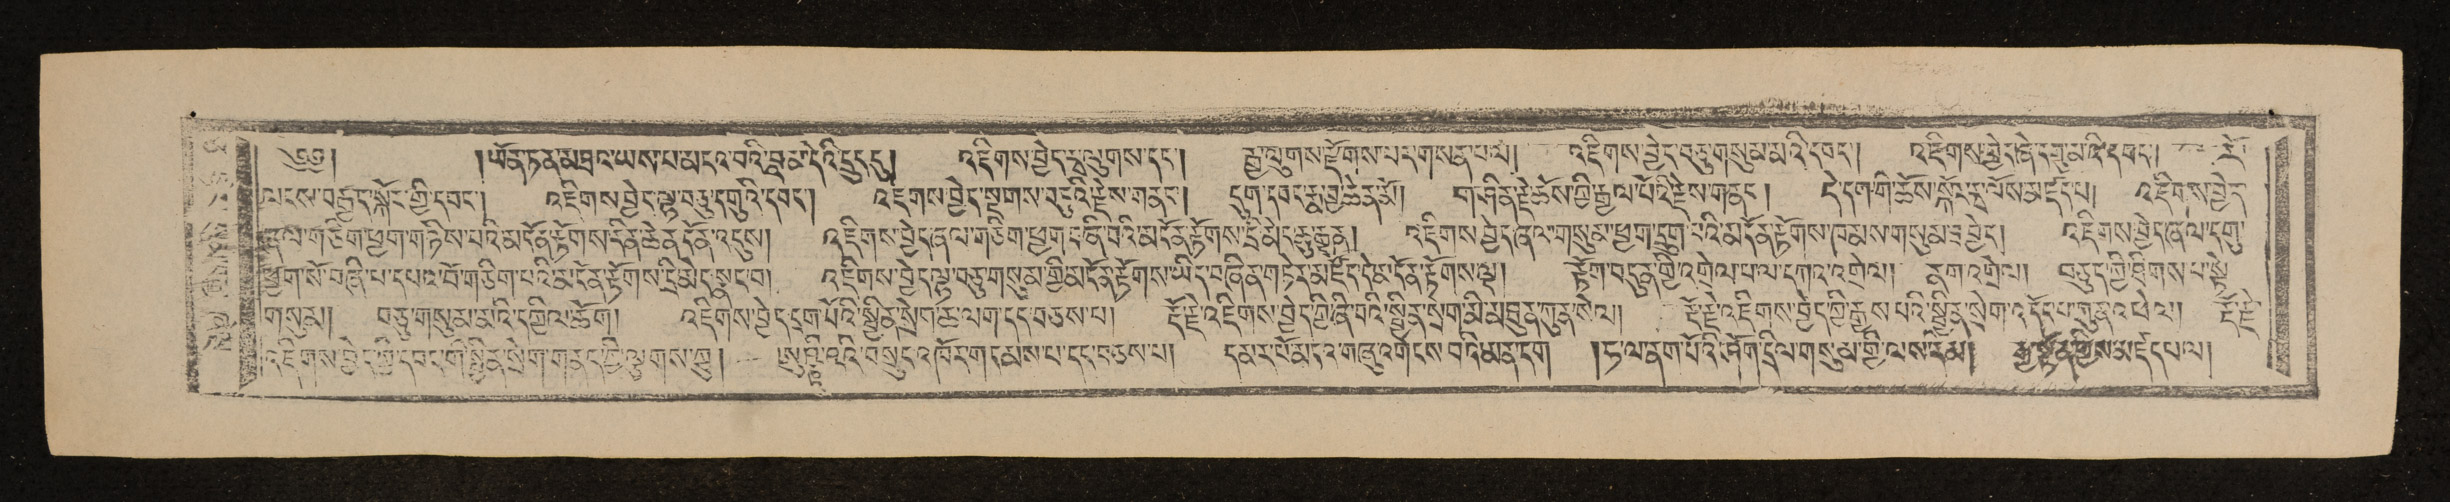༄༅། །ཡོན་ཏན་མཐའ་ཡས་པ་མངའ་བའི་བླ་མ་དེའི་དྲུང་དུ། འཇིགས་བྱེད་རྭ་ལུགས་དང་། རྒྱ་ལུགས་རྫོགས་པར་གསན་པ་ལ། འཇིགས་བྱེད་བཅུ་གསུམ་མའི་དབང་། འཇིགས་བྱེད་ཞེ་དགུ་མའི་དབང་། རེ་
ལངས་བརྒྱད་སྐོར་གྱི་དབང་། འཇིགས་བྱེད་ལྷ་བཅུ་དགུའི་དབང་། འཇིགས་བྱེད་སྔགས་བཏུའི་རྗེས་གནང་། དུག་དབང་རྨ་བྱ་ཆེན་མོ། གཤིན་རྗེ་ཆོས་ཀྱི་རྒྱལ་པོའི་རྗེས་གནང་། དེ་དག་གི་ཆོས་སྐོར་རྭ་ལོས་མཛད་པ། འཇིགས་བྱེད་
ཞལ་གཅིག་ཕྱག་གཉིས་པའི་མངོན་རྟོགས་རིན་ཆེན་དོན་འདུས། འཇིགས་བྱེད་ཞལ་གཅིག་ཕྱག་བཞི་པའི་མངོན་རྟོགས་དྲི་མེད་ཆུ་རྒྱུན། འཇིགས་བྱེད་ཞལ་གསུམ་ཕྱག་དྲུག་པའི་མངོན་རྟོགས་ཁམས་གསུམ་ཟ་བྱེད། འཇིགས་བྱེད་ཞལ་དགུ་
ཕྱག་སོ་བཞི་པ་དཔའ་བོ་གཅིག་པའི་མངོན་རྟོགས་དྲི་མེད་སྣང་བ། འཇིགས་བྱེད་ལྷ་བཅུ་གསུམ་གྱི་མངོན་རྟོགས་ཡིད་བཞིན་གཏེར་མཛོད་དེ་མངོན་རྟོགས་ལྔ། རྟོག་བདུན་གྱི་འགྲེལ་པ་ལ་དཀའ་འགྲེལ། ནག་འགྲེལ། བཅུད་ཀྱི་ཐིགས་པ་སྟེ་
གསུམ། བཅུ་གསུམ་མའི་དཀྱིལ་ཆོག། འཇིགས་བྱེད་དྲག་པོའི་སྦྱིན་སྲེག་ཆ་ལག་དང་བཅས་པ། རྡོ་རྗེ་འཇིགས་བྱེད་ཀྱི་ཞི་བའི་སྦྱིན་སྲེག་མི་མཐུན་ཀུན་སེལ། རྡོ་རྗེ་འཇིགས་བྱེད་ཀྱི་རྒྱས་པའི་སྦྱིན་སྲེག་འདོད་པ་ཀུན་འཕེལ། རྡོ་རྗེ་
འཇིགས་བྱེད་ཀྱི་དབང་གི་སྦྱིན་སྲེག་གནད་ཀྱི་ལྕགས་ཀྱུ། ཨུཥྞཱི་ཥའི་བསྲུང་འཁོར་གདམས་པ་དང་བཅས་པ། དམར་པོ་མདའ་གཞུ་འགེངས་པའི་མན་ངག །ཧ་ལ་ནག་པོའི་ཤོག་དྲིལ་གསུམ་གྱི་ལས་རིམ། རྒྱ་སྟོན་གྱིས་མཛད་པ་ལ།